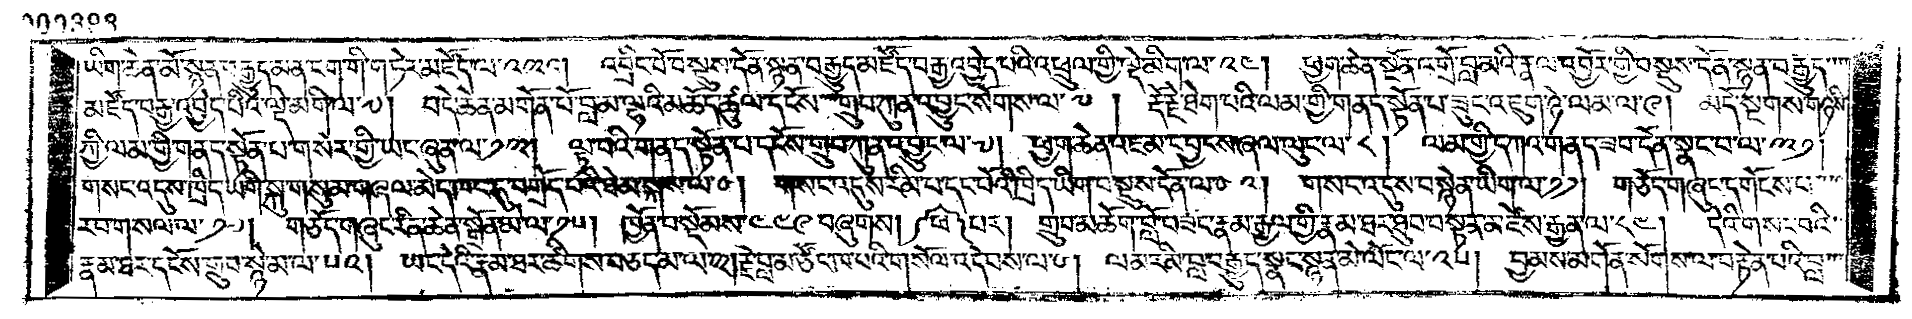ཡིག་ཆེན་མོ་སྙན་བརྒྱུད་མན་ངག་གི་གཏེར་མཛོད་ལ ༢༣༢། འབྲིང་པོ་བསྡུས་དོན་སྙན་བརྒྱུད་མཛོད་བརྒྱ་འབྱེད་པའི་འཕྲུལ་གྱི་ལྡེ་མིག་ལ ༢༤། ཕྱག་ཆེན་སྔོན་འགྲོ་བླ་མའི་རྣལ་འབྱོར་གྱི་བསྡུས་དོན་སྙན་བརྒྱུད་
མཛོད་བརྒྱ་འབྱེད་པའི་ལྡེ་མིག་ལ ༧། བདེ་ཆེན་མགོན་པོ་བླ་མ་ལྷའི་མཆོད་ཚུལ་དངོས་གྲུབ་ཀུན་འབྱུང་སོགས་ལ ༧། རྡོ་རྗེ་ཐེག་པའི་ལམ་གྱི་གནད་སྟོན་པ་ཟུང་འཇུག་ཉེ་ལམ་ལ ༩། མདོ་སྔགས་གཉིས་
ཀྱི་ལམ་གྱི་གནད་སྟོན་པ་གསེར་གྱི་ཡང་ཞུན་ལ ༡༣། ལྟ་བའི་གནད་སྟོན་པ་དངོས་གྲུབ་ཀུན་འབྱུང་ལ ༧། ཕྱག་ཆེན་འཇམ་དབྱངས་ཞལ་ལུང་ལ ༨། ལམ་གྱི་དཀའ་གནད་ཟབ་དོན་སྣང་བ་ལ ༣༡།
གསང་འདུས་ཁྲིད་ཡིག་སྐུ་གསུམ་གཞལ་མེད་ཁང་དུ་བགྲོད་པའི་ཐེམ་སྐས་ལ ༦། གསང་འདུས་རིམ་པ་དང་པོའི་ཁྲིད་ཡིག་བསྡུས་དོན་ལ ༦༢། གསང་འདུས་བསྙེན་ཡིག་ལ ༡༡། གཅོད་གཞུང་དགོངས་པ་
རབ་གསལ་ལ ༡༧། གཅོད་གཞུང་རིན་ཆེན་སྒྲོན་མེ་ལ ༡༥། ཁྱོན་བསྡོམས ༤༤༩་བཞུགས། ༼ཕ༽ པར། གྲུབ་མཆོག་བློ་བཟང་རྣམ་རྒྱལ་གྱི་རྣམ་ཐར་ཐུབ་བསྟན་མཛེས་རྒྱན་ལ ༨༥། དེའི་གསང་བའི་
རྣམ་ཐར་དངོས་གྲུབ་སྙེ་མ་ལ ༥༢། ཡང་དེའི་རྣམ་ཐར་ཚིགས་བཅད་མ་ལ ༣། རྗེ་བླ་མ་ཙོང་ཁ་པའི་གསོལ་འདེབས་ལ ༦། ལམ་རིམ་བླ་བརྒྱུད་སྣང་སྙན་མེ་ལོང་ལ ༢༥། བྱམས་མགོན་སོགས་ལ་བརྟེན་པའི་བླ་